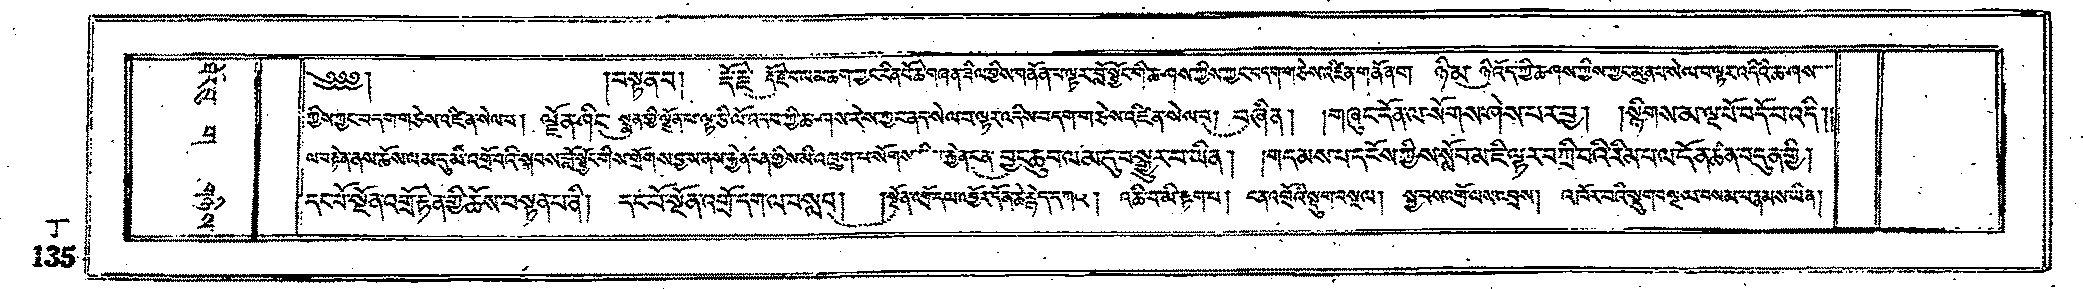༄༅༅། །བསྟན་པ། རྡོ་རྗེ་རྡོ་རྗེ་ཕ་ལམ་ཆག་ཀྱང་རིན་པོ་ཆེ་གཞན་ཟིལ་གྱིས་གནོན་པ་ལྟར་བློ་སྦྱོང་གི་ཆ་ཤས་ཀྱིས་ཀྱང་བདག་གཅེས་འཛིན་གནོན་པ།  ཉི་མ་ཉི་འོད་ཀྱི་ཆ་ཤས་ཀྱིས་ཀྱང་མུན་པ་སེལ་བ་ལྟར་འདིའི་ཆ་ཤས་་་
ཀྱིས་ཀྱང་བདག་གཅེས་འཛིན་སེལ་པ། ལྗོན་ཤིང་སྨན་གྱི་ལྗོན་པ་ལྟ་ཅི་ལོ་འདབ་ཀྱི་ཆ་ཤས་རེས་ཀྱང་ནད་སེལ་བ་ལྟར་འདིས་བདག་གཅེས་འཛིན་སེལ་བ།  བཞིན། །གཞུང་དོན་ལ་སོགས་ཤེས་པར་བྱ། །སྙིགས་མ་ལྔ་པོ་བདོ་བ་འདི།།
ལ་བརྟེན་ནས་ཆོས་ལམ་དུ་མི་འགྲོ་བའི་སྐབས་བློ་སྦྱོང་གིས་གྲོགས་བྱས་ནས་རྐྱེན་ངན་གྱིས་མི་འཁྲུག་པ་སོགས་ཀྱིས་རྐྱེན་ངན་བྱང་ཆུབ་ལམ་དུ་བསྒྱུར་བ་ཡིན། །གདམས་པ་དངོས་ཀྱིས་སློབ་མ་ཇི་ལྟར་བཀྲི་བའི་རིམ་པ་ལ་དོན་ཚན་བདུན་གྱི།
དང་པོ་སྔོན་འགྲོ་རྟེན་གྱི་ཆོས་བསྟན་པ་ནི། དང་པོ་སྔོན་འགྲོ་དག་ལ་བསླབ། །སྔོན་འགྲོ་དལ་འབྱོར་དོན་ཆེ་རྙེད་དཀའ། འཆི་བ་མི་རྟག་པ། ངན་འགྲོའི་སྡུག་བསྔལ། སྐྱབས་འགྲོ་ལས་འབྲས། འཁོར་བའི་སྡུག་བསྔལ་བསམ་པ་རྣམས་ཡིན།